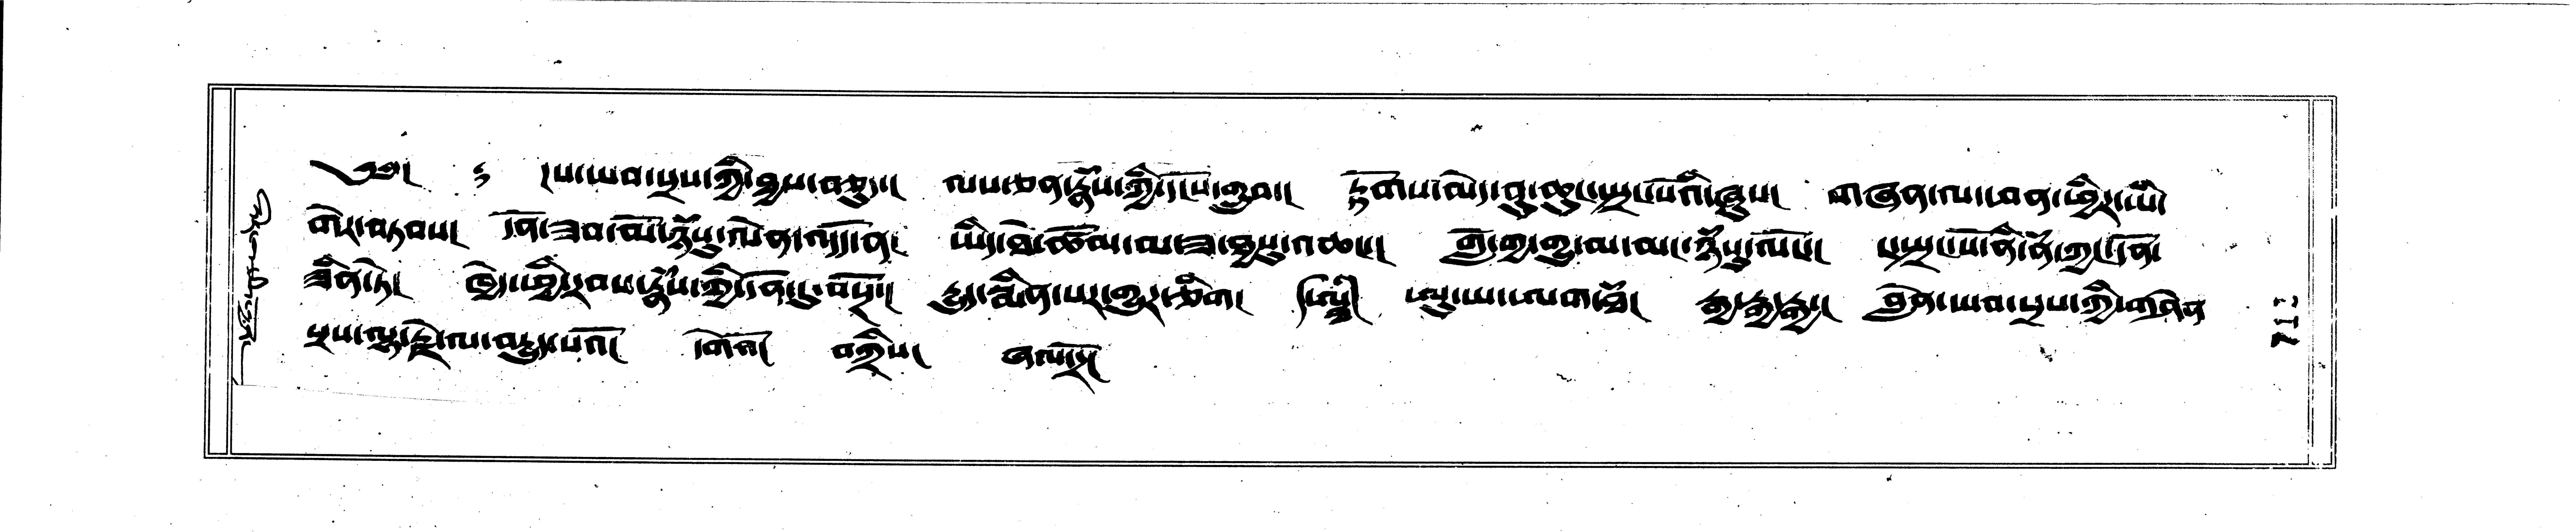པ་ཡབ་སྲས་ཀྱི་ཐུགས་བཅུད། ལས་ཅན་རྣམས་ཀྱི་དངོས་གྲུབ། རྟོགས་མེད་བུ་ཆུང་སྤྲང་པོས་ཞུས། གཞན་ལ་ཕན་ཕྱིར་ཡི་
གེར་བཏབ། དོན་ཟབ་མོ་ཉམས་སུ་ལེན་འདོད་ན། ཡིད་ཐེ་ཚོམ་མ་ཟ་ཐུགས་སུ་འཆང་། གློ་༼བློ༽གྱ་གྱུ་མ་མང་ཉམས་སུ་ལོངས། ང་སྤྲང་པོ་ནི་ནམ་ཀྱང་༼ཡང༽དོན་
ཟིན་ཏེ། ཁྱོད་ཕྱི་རབས་རྣམས་ཀྱི་དོན་དུ་བསྔོ། རྒྱུད་སྨིན་པར་གྱུར་ཅིག ༼ཨྠ༽ཨུ་ཡ་ཨག་ཐམ། རྒྱ་རྒྱ་རྒྱ། བླ་ཆེན་ཡབ་སྲས་ཀྱིས་གཤེན་
སྲས་ལྷ་རྗེ་ལ་བརྒྱུད་པའོ།” ཅེས་གཤེན་སྲས་ལྷ་རྗེ་ལ་གསུངས་སོ། རིམ་པར་བརྒྱུད་ནས།། ད་ལྟ་བདག་ལ་དངོས་གྲུབ་ལེགས་སོ། བཀྲ་ཤིས་པར་ཤོག ཞེས་ཞུས་སོ། དག་གོ།། དགེའོ།།